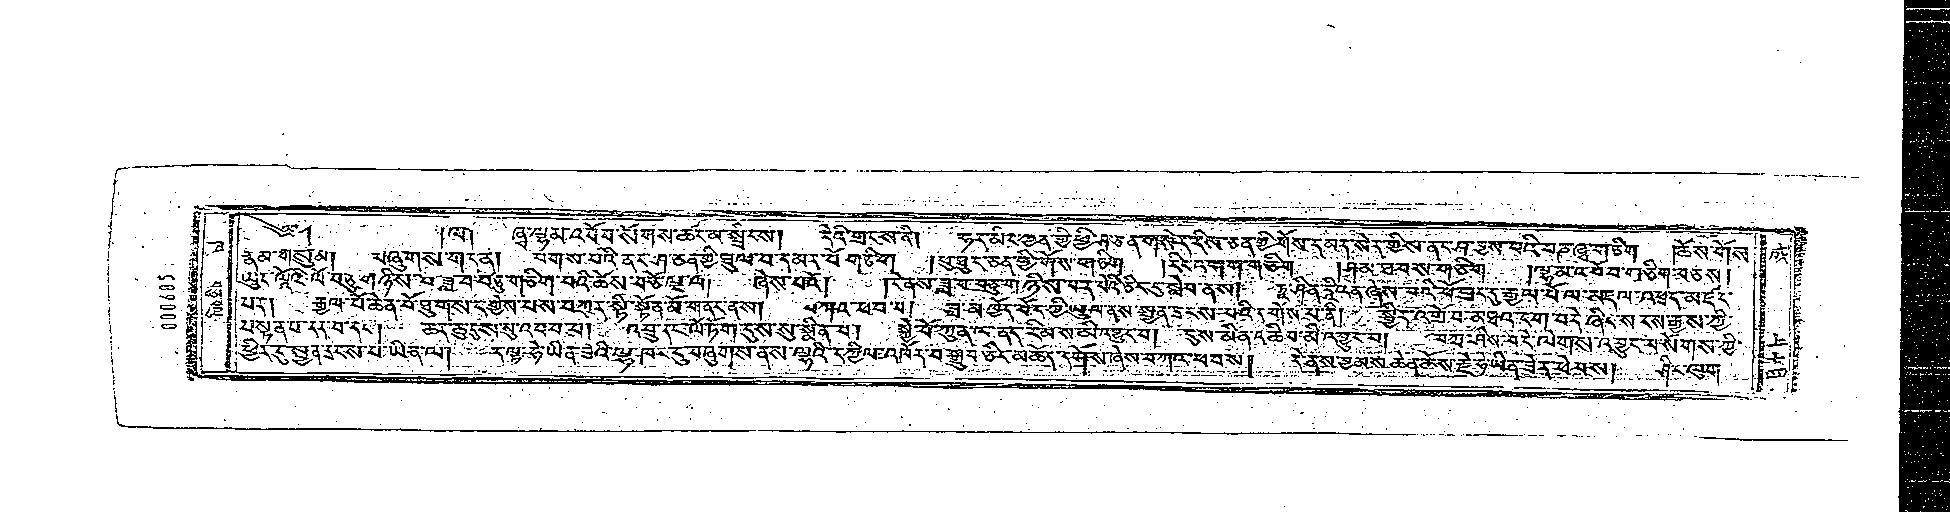༄༅། །ལ། ཞྭ་ལྷམ་འབོབ་སོགས་ཚང་མ་སྤྲིངས། དེའི་གྲངས་ནི། ཧར་མིང་ཀྱན་གྱི་ཕྱི་ཤ་ཅན་གསེར་རིས་ཅན་གྱི་གོས་དམར་སེར་གྱིས་ནང་ཤ་བྱས་པའི་པཎ་ཞྭ་གཅིག །ཆོས་གོས་
རྣམ་གསུམ། བཞུགས་གདན། པགས་པའི་ནང་ཤ་ཅན་གྱི་ཐུལ་བ་དམར་པོ་གཅིག །ཕུ་ཐུང་ཅན་གྱི་གོས་གཅིག །རིང་འགག་གཅིག །ཤམ་ཐབས་གཅིག །ལྷམ་འབོབ་གཅིག་བཅས།
ཡུང་ལOའི་ལོ་བཅུ་གཉིས་བ་ཟླ་བ་བཅུ་གཅིག་པའི་ཚེས་བཅོ་ལྔ་ལ། ཞེས་པའོ། །དེ་ནས་ཟླ་བ་བཅུ་གཉིས་པར་པེའི་ཅིང་དུ་སླེབ་ནས། ཏཱ་ཤིན་ཏུ་འདིའི་ཞེས་པའི་ཕོ་བྲང་དུ་རྒྱལ་པོ་ལ་མཇལ་འཕྲང་མཛད་
པར། རྒྱལ་པོ་ཆེན་པོ་ཐུགས་དགྱེས་པས་བཀུར་སྟི་སྟོན་མོ་གནང་ནས། བཀའ་ཕེབས། བླ་མ་ཁྱོད་བོད་ཀྱི་ཡུལ་ནས་སྤྱན་དྲངས་པའི་དགོས་པ་ནི། སྤྱིར་འགྲོ་བ་མཐའ་ངག་བདེ་ཞིང་སངས་རྒྱས་ཀྱི་
བསྟན་པ་དར་བ་དང་། ཆར་ཆུ་དུས་སུ་འབབ་པ། འབྲུ་དང་ལོ་ཏོག་དུས་སུ་སྨིན་པ། སྐྱེ་བོ་ཀུན་ལ་ནད་རིམས་མི་འབྱུང་བ། དུས་མིན་འཆི་བ་མི་འབྱུང་བ། བཀྲ་ཤིས་བདེ་ལེགས་འབྱུང་པ་སོགས་ཀྱི་
ཕྱིར་དུ་སྤྱན་དྲངས་པ་ཡིན་ལ། ད་ལྟ་ཧེ་ཡིན་ཟེའི་ལྷ་ཁང་དུ་བཞུགས་ནས་ལྷའི་དཀྱིལ་འཁོར་བསྒྲུབ་ཅིང་མཆོད་དགོས་ཞེས་བཀའ་ཕབས། དེ་ནས་བྱམས་ཆེན་ཆོས་རྗེ་ཧེ་ཡིན་ཟེར་ཕེབས། ཤིང་ལུག་